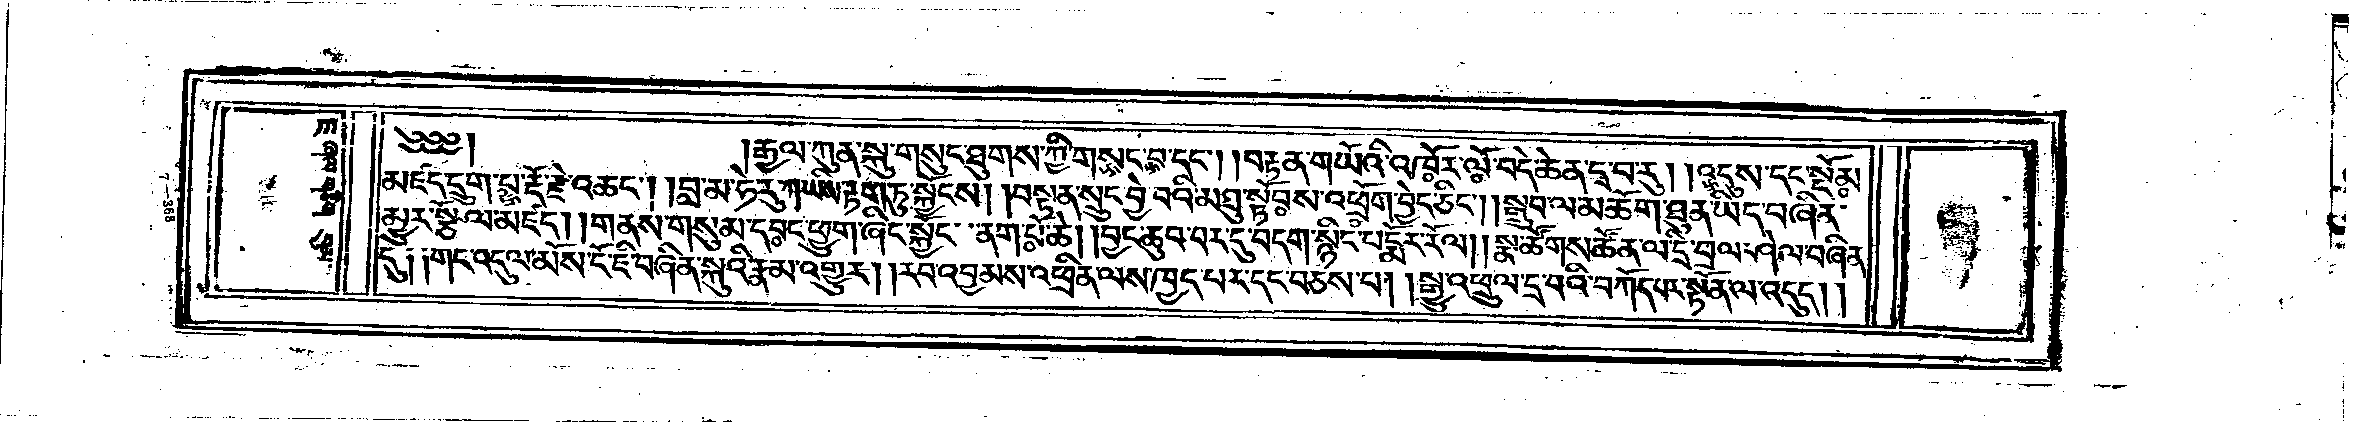༄༅༅། །རྒྱལ་ཀུན་སྐུ་གསུང་ཐུགས་ཀྱི་གསང་བ་དང་། །བརྟན་གཡོའི་འཁོར་ལོ་བདེ་ཆེན་དྲ་བ་རུ། །འདུས་དང་སྡོམ་
མཛད་དྲུག་པ་རྡོ་རྗེ་འཆང་། །བླ་མ་ཧེ་རུ་ཀ་ཡིས་རྟག་ཏུ་སྐྱོངས། །བསྟན་སྲུང་བྱེ་བའི་མཐུ་སྟོབས་འཕྲོག་བྱེད་ཅིང་། །སྒྲུབ་ལ་མཆོག་ཐུན་ཡིད་བཞིན་
མྱུར་སྩོལ་མཛད། །གནས་གསུམ་དབང་ཕྱུག་ཞིང་སྐྱོང་ནག་པོ་ཆེ། །བྱང་ཆུབ་བར་དུ་བདག་སྙིང་པདམོར་རོལ། །སྣ་ཚོགས་ཚོན་ལ་དྲི་བྲལ་ཤེལ་བཞིན་
དུ༑ ༑གང་འདུལ་མོས་ངོ་ཇི་བཞིན་སྐུའི་རྣམ་འགྱུར། །རབ་འབྱམས་འཕྲིན་ལས་ཁྱད་པར་དང་བཅས་པ། །སྒྱུ་འཕྲུལ་དྲ་བའི་བཀོད་པར་སྟོན་ལ་འདུད། །